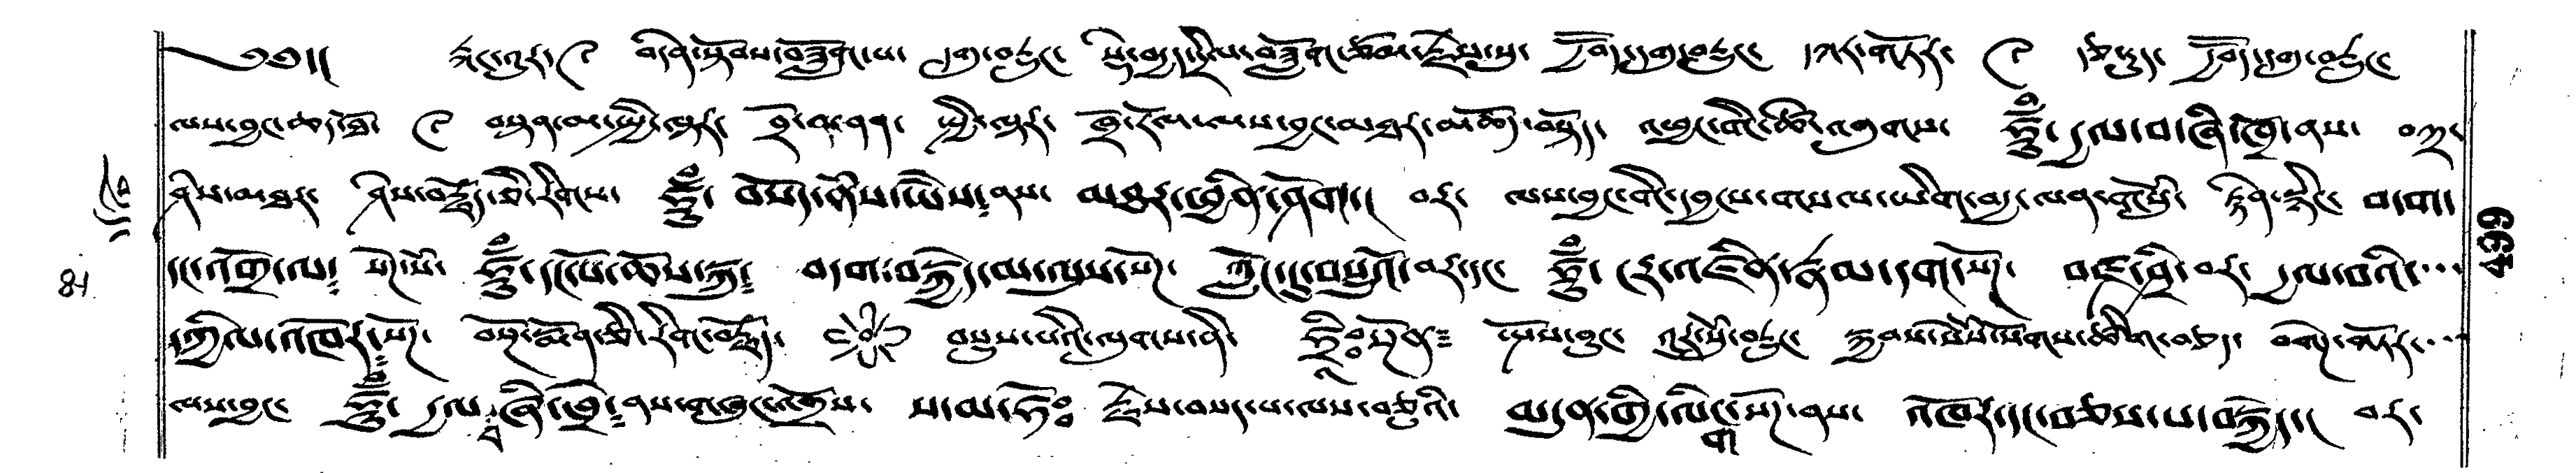( རྐང་འུར་དགུ ) བདེན་སྟོབས་བཟློག་པ། ( དགུ་བརྡུང་། སྡེ་བརྒྱད་དྲིལ་བཟློག་ཙམ་རྗེས་སུ། ( རྒྱོབ་སོད་དགུ་བརྡུང་། ) དཀར་གཏོར། ( དགུ ) རྩ་རྒྱུད། ( རྒྱོབ་སོས་དགུ་བརྡུང་། ) 
ལས་བྱང་ཆད་ཐོ་ ( དགུ ) བསྟན་མ་སྤྱི་ལྟར། བྲོ་མནན་སྤྱི་ལྟར། ཁྲོ་རོལ་ལས་བྱང་མཐར་མཆོད་བསྟོད། འཕྱང་གི་ཚེ་འགུགས། ཧཱུྃ༔རྒྱལ་བ་ཞི་ཁྲོ༴ ནས། བཀྲ་
ཤིས་མཐར། ཤིས་བརྗོད་ཅི་རིགས། ཧཱུྃ༔ བསོད་ནམས་ཡེ་ཤེས༴ ནས། མཐར་ཕྱིན་ཤོག༔ བར། ལས་བྱང་གི་དབྱངས་གསལ་ཡིག་བརྒྱ་ལན་གསུམ། རྟེན་སྙིང་། བདག་
དང་འགྲོ་ལ༴ སོགས་སམ། ཧཱུྃ༔དང་པོ་ཆོས་སྐུ༴ བདག་བསྐྱེད་མ་ལུས༴ སོགས། ཀློང་དུ་བསྡུའོ། བར་དང་། ཧཱུྃ༔ ངར་འཛིན་རྣམ་དག༴ སོགས། བཛྲ་ཤྲཱི༴ བར། རྒྱལ་བའི་
དཀྱིལ་འཁོར༴ སོགས། བསྔོ་སྨོན་ཅི་རིག་བརྗོད། ༈ བསྡུས་པའི་ལུགས་ནི། ཧྲཱིཿསྔོན༴ སྤོས་ཕྱུང་། ( འུར་སུམ་བརྡུང་། ) སྐྱབས་སེམས་སོགས་ཚིགས་བཅད། བགེགས་གཏོར་
ལས་བྱང་། ཧཱུྃ༔ རྒྱལ་བ་ཞི་ཁྲོ༴ ནས་གཞུང་འགྲོས། ས་མ་ཧོཿ རྗེས། བསད་པ་ལས་བཅུའི། མདུན་གྱི་ལིངྒ༴ སོགས་ནས། འཁོར་དང་བཅས་པ་བསྐྱེད། བར།